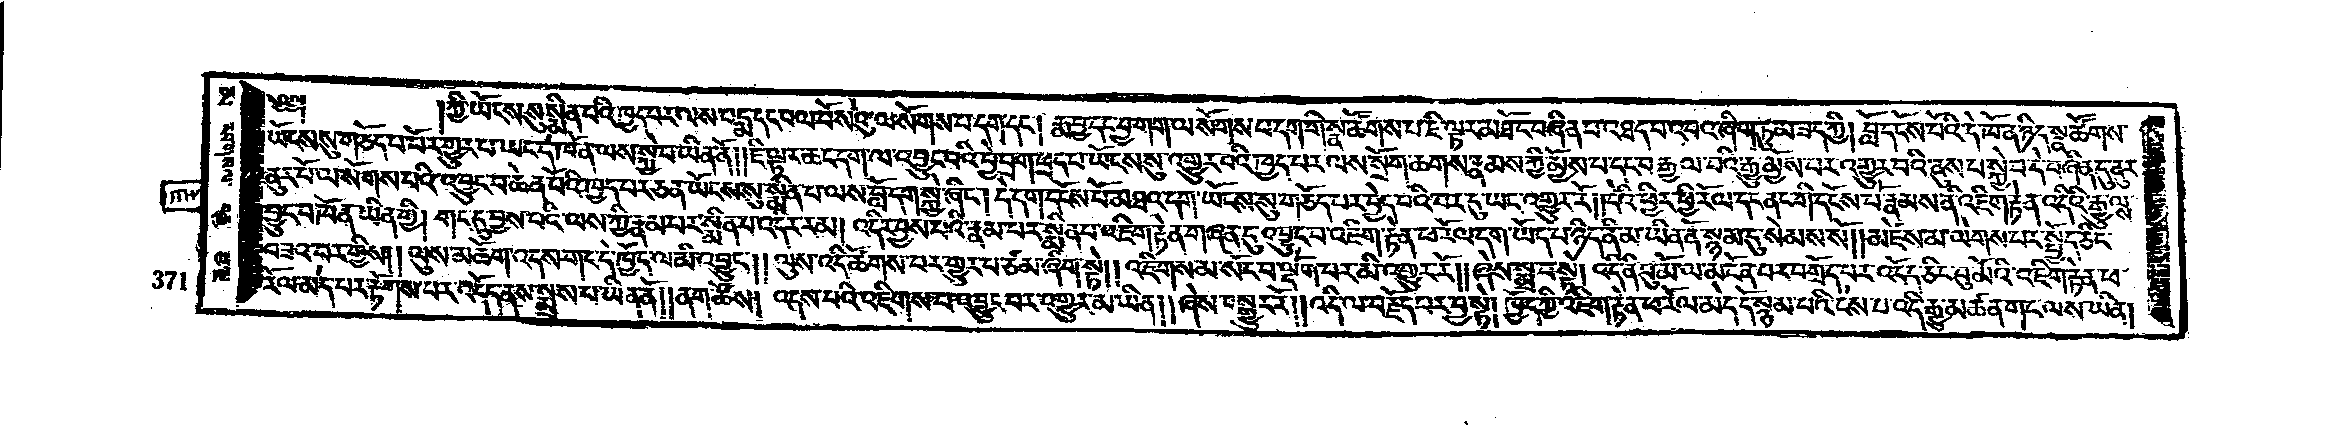༄༅། །ཀྱི་ཡོངས་སུ་སྨིན་པའི་ཁྱད་པར་ལས་པདམ་དང་བལ་པོ་སེའུ་ལ་སོགས་པ་དག་དང་། རྨ་བྱ་དང་བྱ་གག་ལ་སོགས་པ་དག་གི་སྣ་ཚོགས་པ་ཇི་ལྟར་མཐོང་བཞིན་པ་འཐད་པ་འབའ་ཞིག་ཏུ་མ་ཟད་ཀྱི། བློ་དངོས་པོའི་དེ་ཁོ་ན་ཉིད་སྣ་ཚོགས་
ཡོངས་སུ་གཅོད་པ་པོར་གྱུར་པ་ཡང་དེ་ཁོ་ན་ལས་སྐྱེ་བ་ཡིན་ནོ། །ཇི་ལྟར་ཆང་དག་ལ་འབྱུང་བའི་བྱེ་བྲག་ཕྲད་པ་ཡོངས་སུ་འགྱུར་བའི་ཁྱད་པར་ལས་སྲོག་ཆགས་རྣམས་ཀྱི་མྱོས་པ་དང་བརྒྱལ་བའི་རྒྱུ་མྱོས་པར་འགྱུར་བའི་ནུས་པ་སྐྱེ་བ་དེ་བཞིན་དུ་ནུར་
ནུར་པོ་ལ་སོགས་པའི་འབྱུང་བ་ཆེན་པོའི་ཁྱད་པར་ཅན་ཡོངས་སུ་སྨིན་པ་ལས་བློ་དག་སྐྱེ་ཞིང་། དེ་དག་དངོས་པོ་མཐའ་དག་ཡོངས་སུ་གཅོད་པར་བྱེད་པའི་བར་དུ་ཡང་འགྱུར་རོ། །དེའི་ཕྱིར་ཕྱི་རོལ་དང་ནང་གི་དངོས་པོ་རྣམས་ནི་འཇིག་རྟེན་འདིའི་རྒྱུ་ལས་
བྱུང་བ་ཁོ་ན་ཡིན་གྱི། གང་དུ་བྱས་པའི་ལས་ཀྱི་རྣམ་པར་སྨིན་པ་འདིར་རམ། འདིར་བྱས་པའི་རྣམ་པར་སྨིན་པ་འཇིག་རྟེན་གཞན་དུ་འབྱུང་བ་འཇིག་རྟེན་ཕ་རོལ་དག་ཡོད་པ་ཉིད་ནི་མ་ཡིན་ནོ་སྙམ་དུ་སེམས་སོ། །མཛེས་མ་ལེགས་པར་སྤྱོད་ཅིང་
བཟའ་བར་གྱིས། །ལུས་མཆོག་འདས་གང་དེ་ཁྱོད་ལ་མི་འབྱུང་། །ལུས་འདི་ཚོགས་པར་གྱུར་པ་ཙམ་ཞིག་སྟེ། །འཇིགས་མ་སོང་བ་ལྡོག་པར་མི་འགྱུར་རོ། །ཞེས་སྨྲ་བ་སྟེ། འདི་ནི་བུ་མོ་ལ་མངོན་པར་བགྲོད་པར་འདོད་ཅིང་བུ་མོའི་འཇིག་རྟེན་ཕ་
རོལ་མེད་པར་རྟོགས་པར་འདོད་ནས་སྨྲས་པ་ཡིན་ནོ། །ནག་ཚོས། འདས་པའི་འཇིགས་པ་འབྱུང་བར་འགྱུར་མ་ཡིན། །ཞེས་བསྒྱུར་རོ། །འདི་ལ་བརྗོད་པར་བྱ་སྟེ། ཁྱོད་ཀྱི་འཇིག་རྟེན་ཕ་རོལ་མེད་དོ་སྙམ་པའི་ངེས་པ་འདི་རྒྱུ་མཚན་གང་ལས་ཡིན།